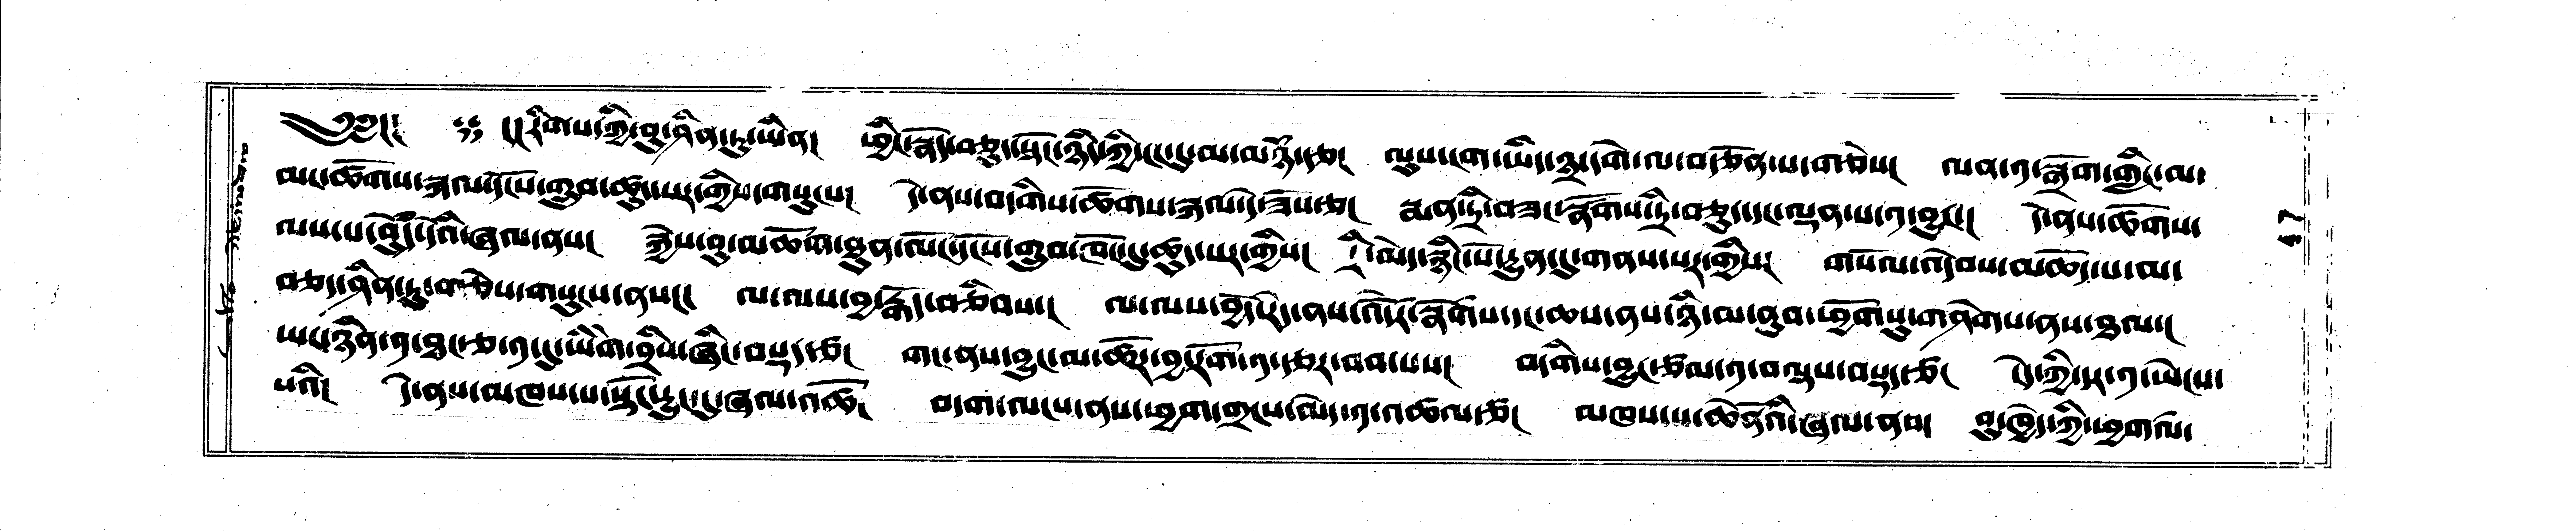རིགས་ཀྱི་བུ་ཤིན་ཏུ་ཡིན། ཕྱི་ནང་སྣོད་བཅུད་སྟོང་ཉིད་ཀྱི་ངང་དུ་མ་མཉམ་ཙ། ལུས་ངག་ཡིད་གསུམ་དགེ་ལ་བརྩོན་པ་གཅེས། ལན་གཅིག་སྒྲོག་གླེང་མ་
མང་ཚོགས་སྐལ་དངོས་གྲུབ་ཚུད་པར་གྱིས་གསུངས། དེ་ནས་བདག་གིས་ཚོགས་སྐལ་དེ་ཟོས་ཙ། སྨན་དྲི་བཟང་སྣ་ཚོགས་དྲི་བཅུད་དང་ལྡན་པ་གཅིག་བྱུང་། དེ་ནས་ཚོགས་
ལས་པ་བུད་མེད་དེའི་ཞལ་ནས། སྐྱེས་བུ་མཆོག་ཐུན་མོང་དངོས་གྲུབ་ཁོང་དུ་ཚུད་པར་གྱིས། དྲི་མེད་སྙིང་པོ་རྒྱུན་དུ་གནས་པར་གྱིས། གསོལ་འདེབས་མཆོད་པ་མ་
བཅད་ཤིན་ཏུ་གཅེས་གསུངས་ནས། ལ་ལས་བྱ་རྒོད་ལ་བཅིབས། ལ་ལས་བྱ་རྒོད་རེད་༼གྱུར་པའི་དོན་ཡིན༽ནས་འོད་ཟེར་སྣ་ཚོགས་དང་ཆས་ནས་ཉི་མ་ནུབ་ཕྱོགས་སུ་གཤེགས་ནས་ཐལ། ། 
ཡང་ཉིན་གཅིག་ཐང་ཅ་གཅིག་དུ་ཡི་གེ་བྲིས་ཞིང་བསྡད་ཙ། གང་ནས་བྱུང་མ་ཚོར་བྱ་རོག་གཅིག་རྩར་བབས་པས། བདག་གིས་བྱུང་ཙམ་གཅིག་བལྟས་བསྡད་ཙ། ངེད་ཀྱི་དར་གཅིག་ཡེངས་
པའི། དེ་ནས་མཁས་པ་སྟོང་རྒྱུང་དུ་ཞལ་འཚོ། བདག་ལངས་ནས་ཕྱག་གྲངས་མེད་གཅིག་འཚལ་ཙ། མཁས་པ་ཆེན་པོའི་ཞལ་ནས། བུ་ཁྱེད་ཀྱི་ཕྱག་འཚལ་